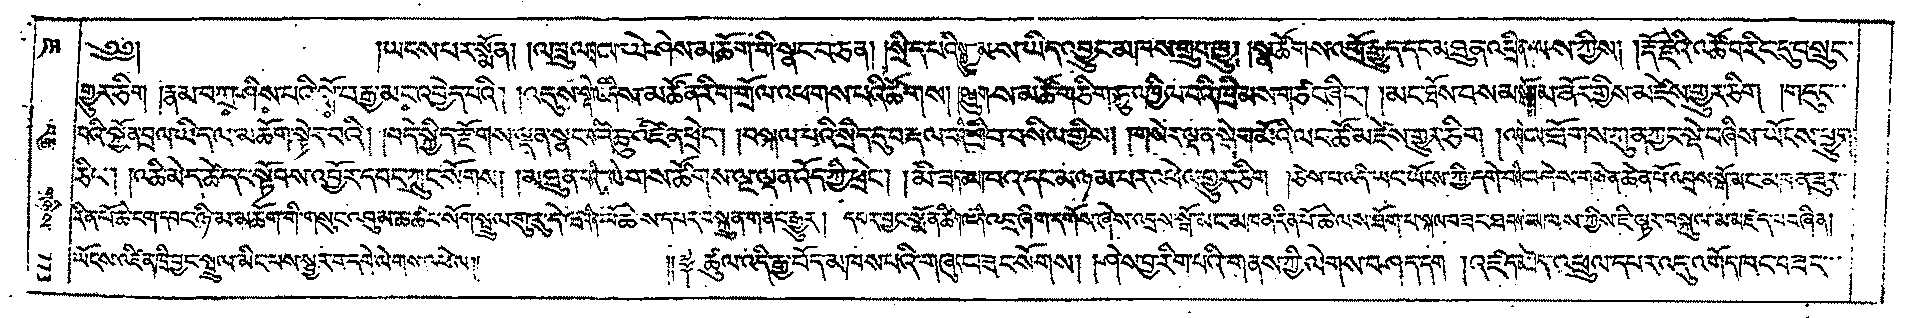༄༅། །ཡངས་པར་སྨོན། །འཁྲུལ་བྲལ་ཡེ་ཤེས་མཆོག་གི་སྣང་བ་ཅན། །སྲིད་པའི་སྒྱུ་མས་ཡིད་འབྱུང་མཁས་གྲུབ་ཁྱུ། །སྣ་ཚོགས་འགྲོ་རྒྱུད་དང་མཐུན་འཕྲིན་ལས་ཀྱིས། །རྡོ་རྗེའི་འཚོ་བ་རིང་དུ་བསྲུང་
གྱུར་ཅིག །རྣམ་བཀྲ྾་ཤིས྾་པའི་སྒོ྾་བརྒྱ་མང྾་འབྱེད་པའི། །འདུས་སྡེ་འདིས་མཚོན་རིག་གྲོལ་འཕགས་པའི་ཚོགས། །ཐུགས་མཚོ་གཅིག་ཏུ་འཁྱིལ་བའི་ཁྲིམས་གཙང་ཞིང་། །མང་ཐོས་བསམ་སྒོམ་ནོར་གྱིས་མཛེས་གྱུར་ཅིག །གདུང་
བའི་སྐྱོན་བྲལ་ཡིད་ལ་མཆོག་སྟེར་བའི། །བདེ་སྐྱིད་རྫོགས་ལྡན་སྣང་བའི་ཆུ་འཛིན་ཕྲེང་། །བསྐལ་པའི་སྲིད་དུ་བརྡལ་བའི་གྲིབ་བསིལ་གྱིས། །གསེར་ལྡན་སྒེག་མོའི་ལང་ཚོ་མཛེས་གྱུར་ཅིག །འབྲེལ་ཐོགས་ཀུན་ཀྱང་སྡེ་བཞིས་ཡོངས་ཕྱུག་
ཅིང་། །འཆི་མེད་ཚེ་དང་སྟོབས་འབྱོར་དབང་ཀླུང་སོགས། །མཐུན་པའི་ལེགས་ཚོགས་ལྔ་ལྡན་འོད་ཀྱི་ཕྲེང་། །མི་ཟད་མཁའ་དང་མཉམ་པར་འཕེལ་གྱུར་ཅིག །ཅེས་པ་འདི་ཡང་ཡོངས་ཀྱི་དགེ་བའི་བཤེས་གཉེན་ཆེན་པོ་འབྲས་སྒོ་མང་མཁན་ཟུར་
རིན་པོ་ཆེ་ངག་དབང་ཉི་མ་མཆོག་གི་གསུང་འབུམ་ཆ་ཚང་སོག་སྤྲུལ་གུ་རུ་དེ་ཝ་རིན་པོ་ཆེས་དཔར་བསྐྲུན་གནང་རྒྱུར། དཔར་བྱང་སྨོན་ཚིག་འདི་འདྲ་ཞིག་དགོས་ཞེས་འབྲས་སྒོ་མང་མཁན་རིན་པོ་ཆེ་ལས་ཐོག་པ་སྐལ་བཟང་ཐབས་མཁས་ཀྱིས་ཇི་ལྟར་བསྐུལ་མ་མཛད་པ་བཞིན།
ཡོངས་འཛིན་ཁྲི་བྱང་སྤྲུལ་མིང་པས་སྦྱར་བ་དགེ་ལེགས་འཕེལ།། །།༈ ཚུལ་འདི་རྒྱ་བོད་མཁས་པའི་གཞུང་བཟང་སོགས། །ཤེས་བྱ་རིག་པའི་གནས་ཀྱི་ལེགས་བཤད་དག །འཛད་མེད་འཕྲུལ་དཔར་འདུ་འགོད་ཁང་བཟང་